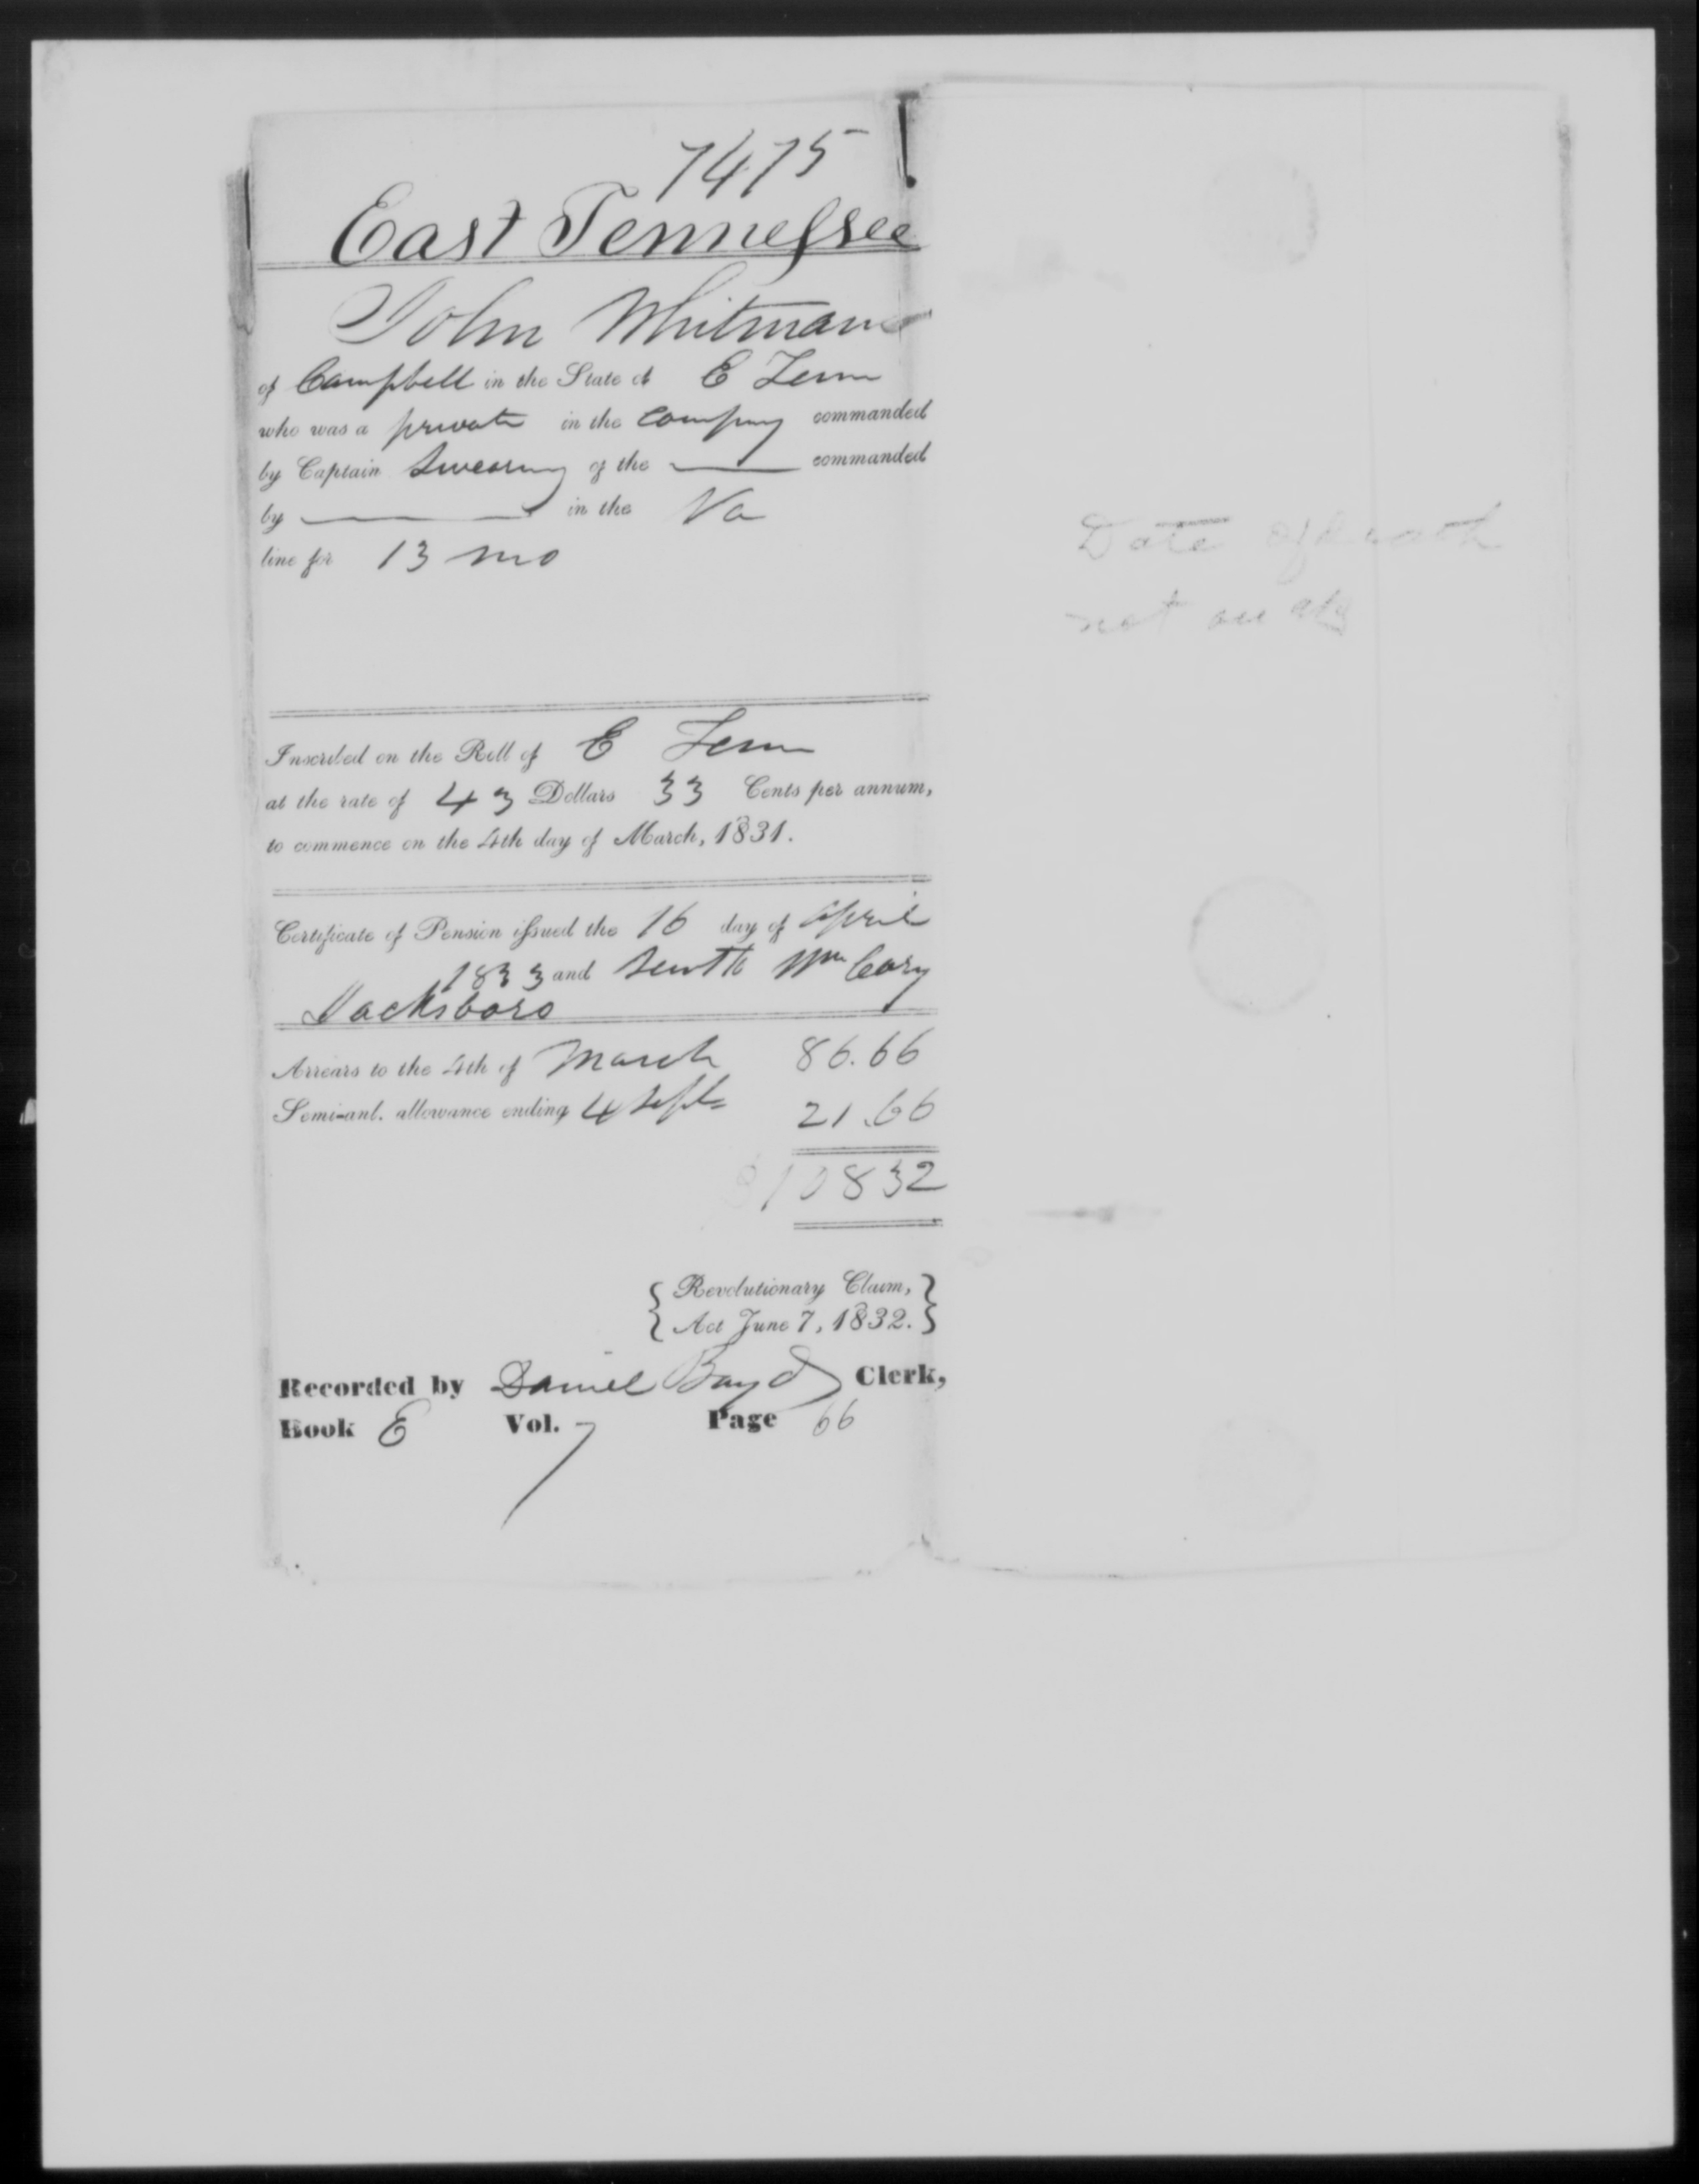7475
East Tennessee

John Whitman
Campbell in the State of E Tenn
was a private in the company commanded
Captain Swearing of the ____ commanded
by ____ in the Va
line for 13 mo

Inscribed on the Roll of E Tenn
at the rate of 43 Dollars 33 Cents per annum
to commence on the 4th day of March, 1831.

Certificate of Pension issued the 16 day of April
1833 and sent to Wm Cary
Jacksboro

Arrears to the 4th of March.................86.66
Semi anl. allowance ending 4 Sept...21.66
....................................................................$108.32

Revolutionary Claim,
Act June 7, 1832.
Recorded by Daniel Boyd Clerk,
Book E Vol. 7 Page 66

Date of death
not on [illegible]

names: Campbell, Swenny, Wm Cary, John Whitman, Daniel Boyd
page: 2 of 22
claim: survivor's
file: S 2023, John Whitman, Va.